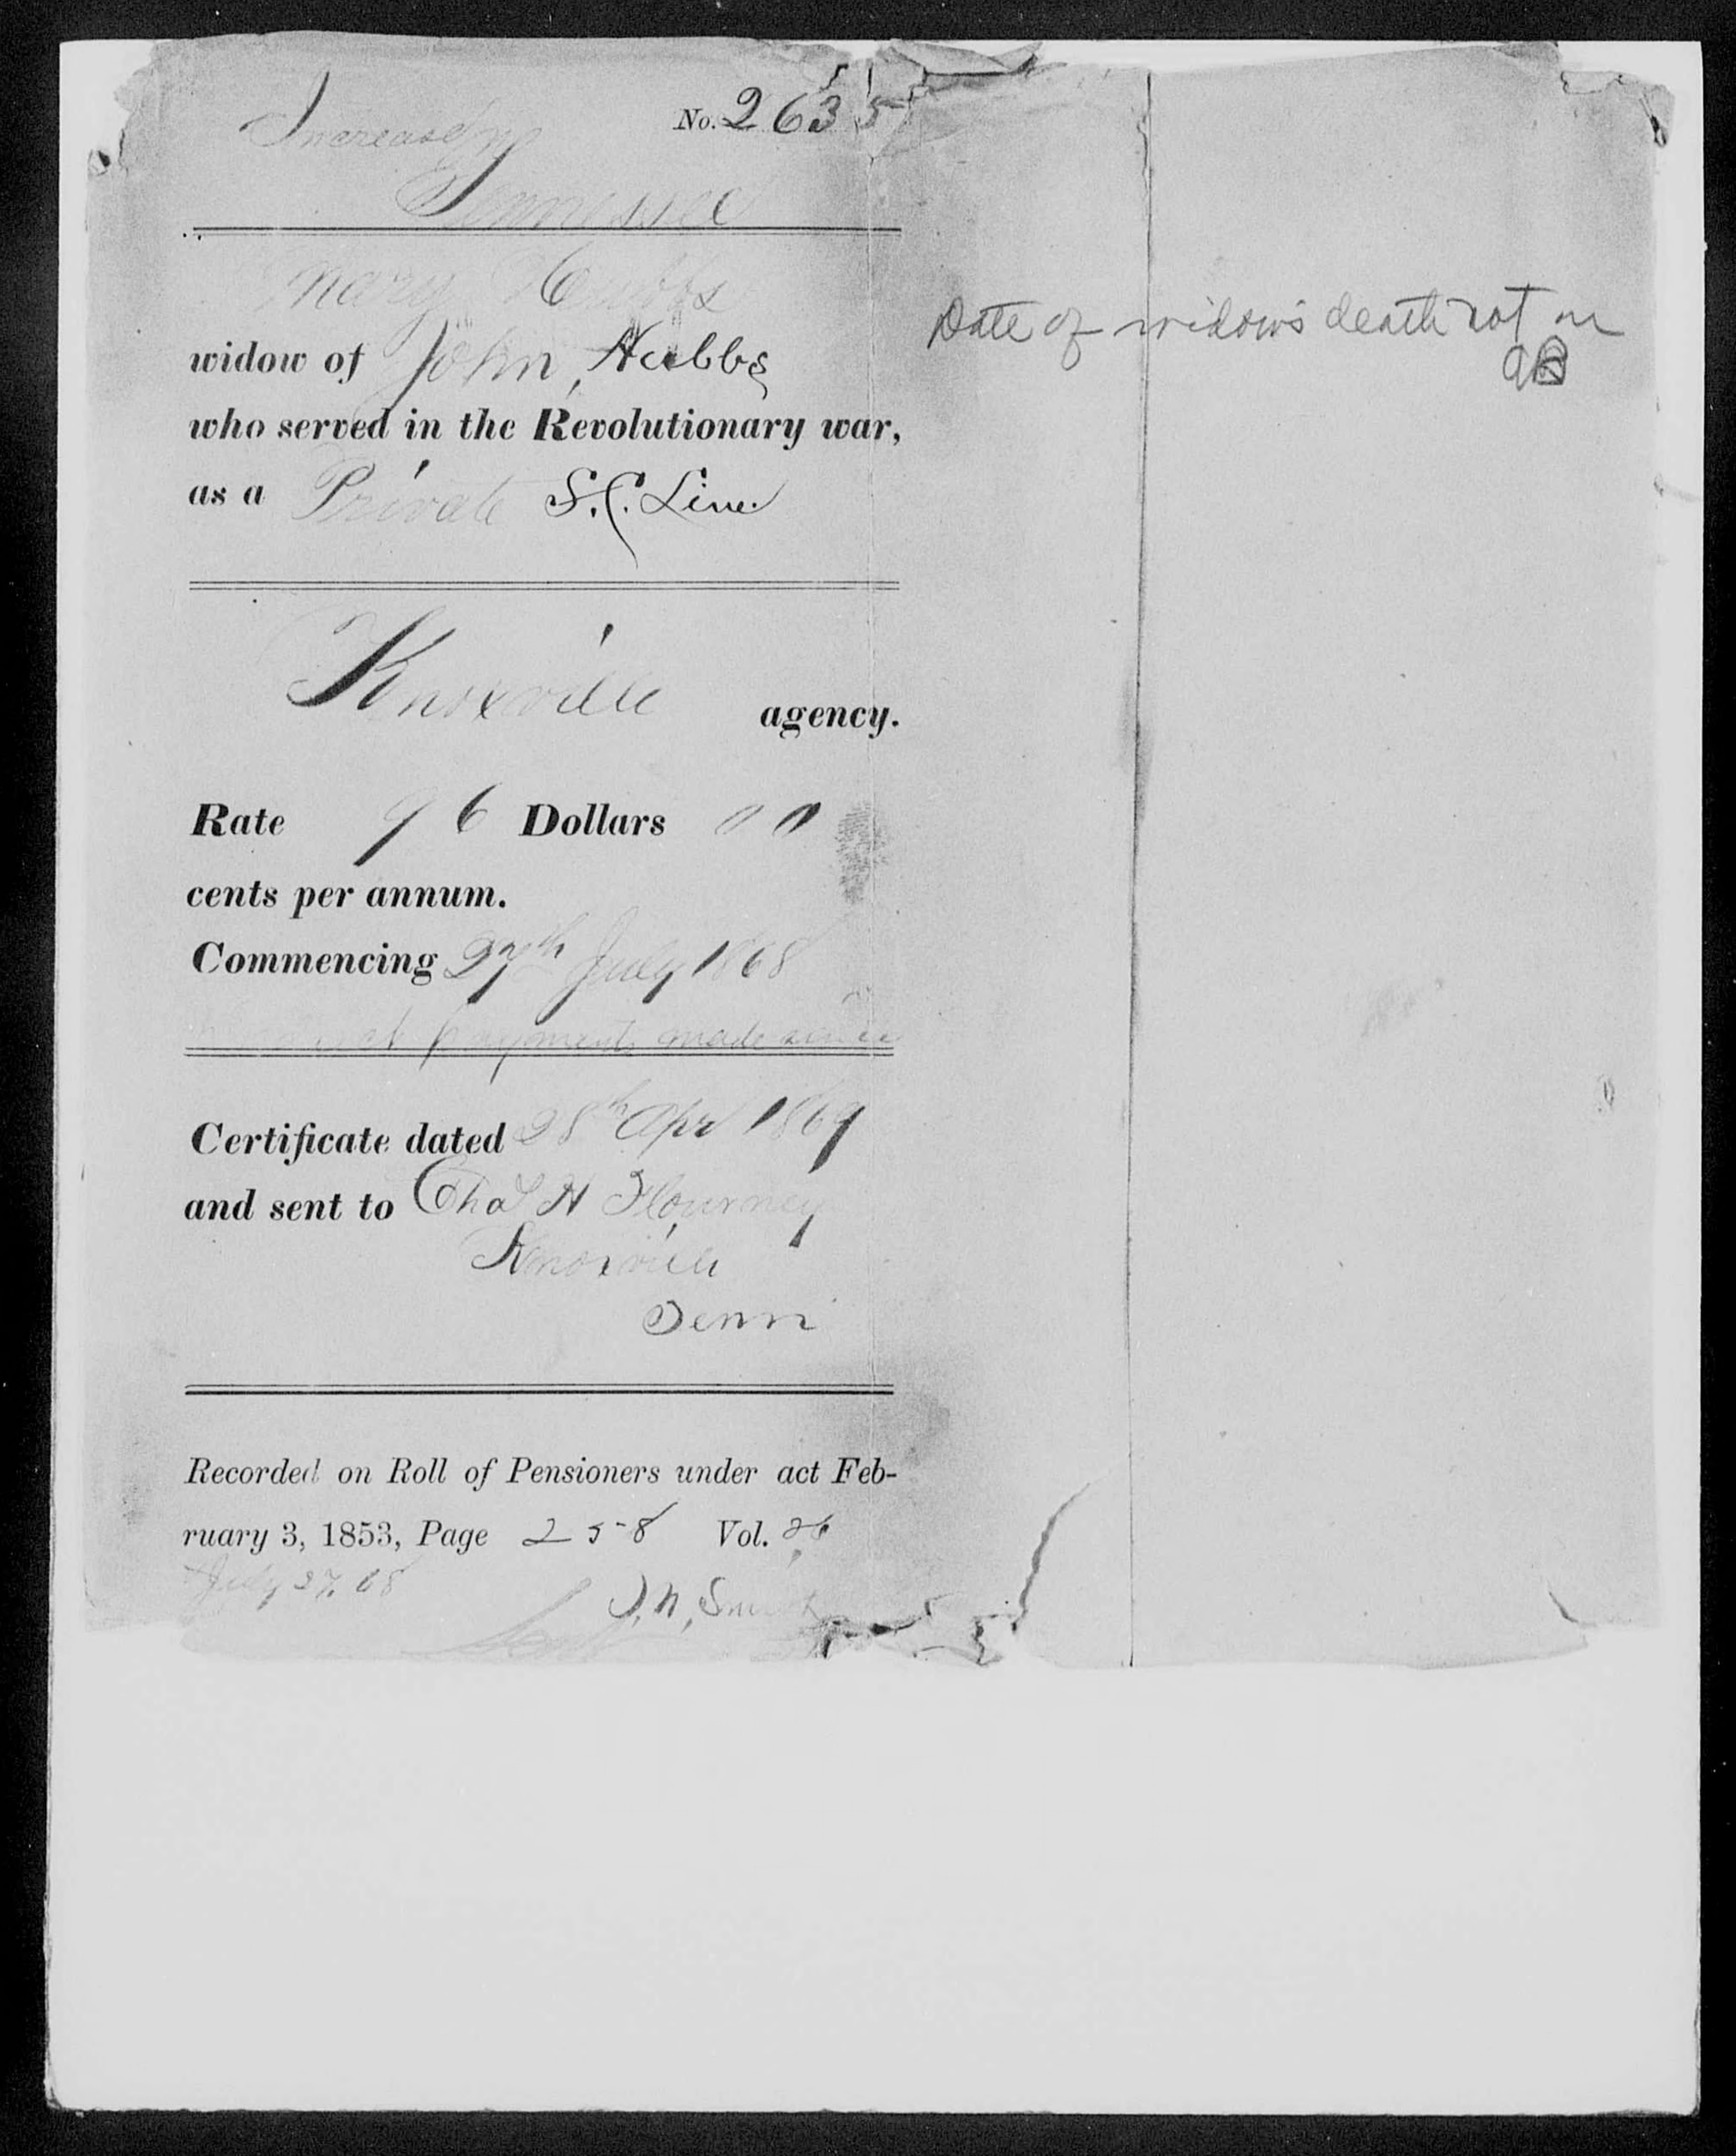Increased
No. 2635
Tennessee
__________________________
Mary Hubbs
widow of  John Hubbs
who served in the Revolution war,
as a Private S.C. Line
========================

Knoxville Agency.
Rate  96 Dollars 00 
cents per annum.
Commencing 27th July 1868
[illegible] payments made since
_______________
Certificate dated 28th April 1869  and sent to Chas H Flournoy
Knoxville
Tenn
_________________
[Acts of March 3, 1843, & June 
17, 1844.]

Recorded on Roll of Pensioners under act Feb-
ruary 3, 1853  Page 258 Vol. 2  
July 27, 68
O. N. Smith [signature]

[handwritten note;]
Date of widows death not in AB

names: Chas H Flournoy, Mary Hubbs, John Hubbs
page: 3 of 86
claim: widow's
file: W. 1035, John Hubbs, S.C.